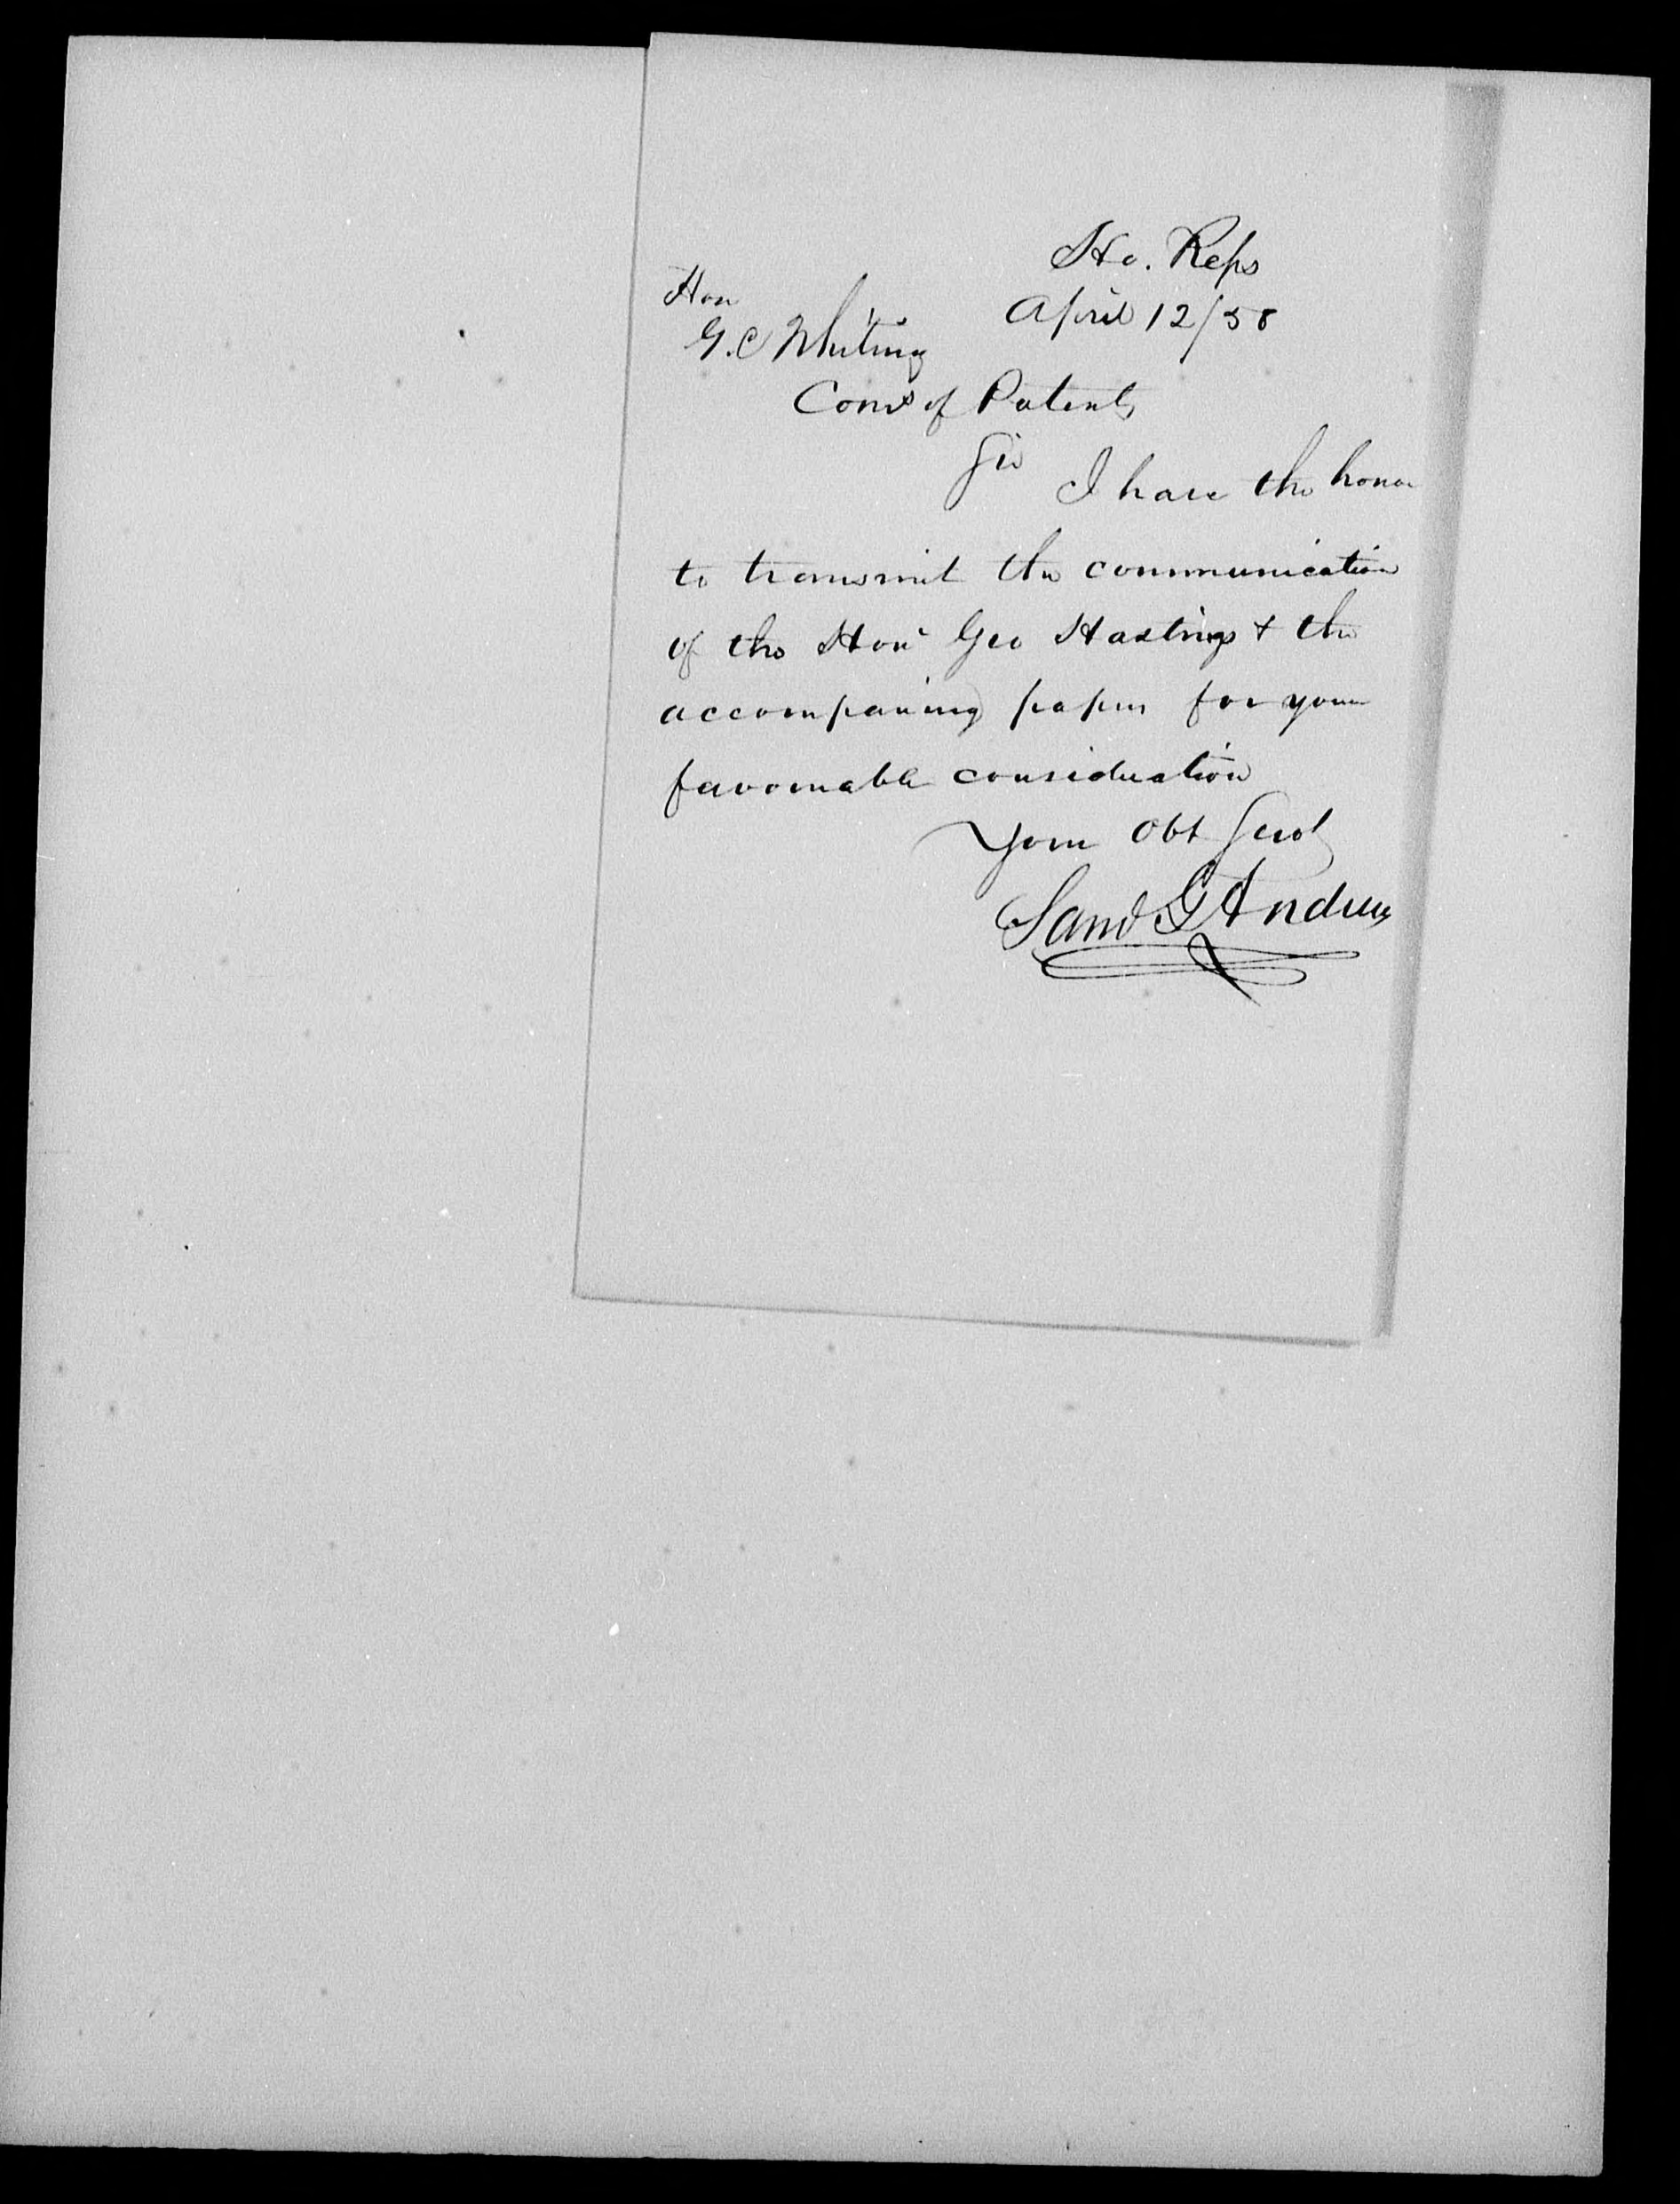Hon G. Whitney
H. Reps
April 12 /58
Comrs of Patent
Sir
I have the honor
to transmit the communication
of the Hon Geo Hastings & the
accompanying papers for your
favorable consideration
your Obt Sert
Saml G Andrey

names: Saml G Andrew, Geo Hastings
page: 25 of 41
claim: widow's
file: W. 9819, Nathaniel Cumings, Vt.